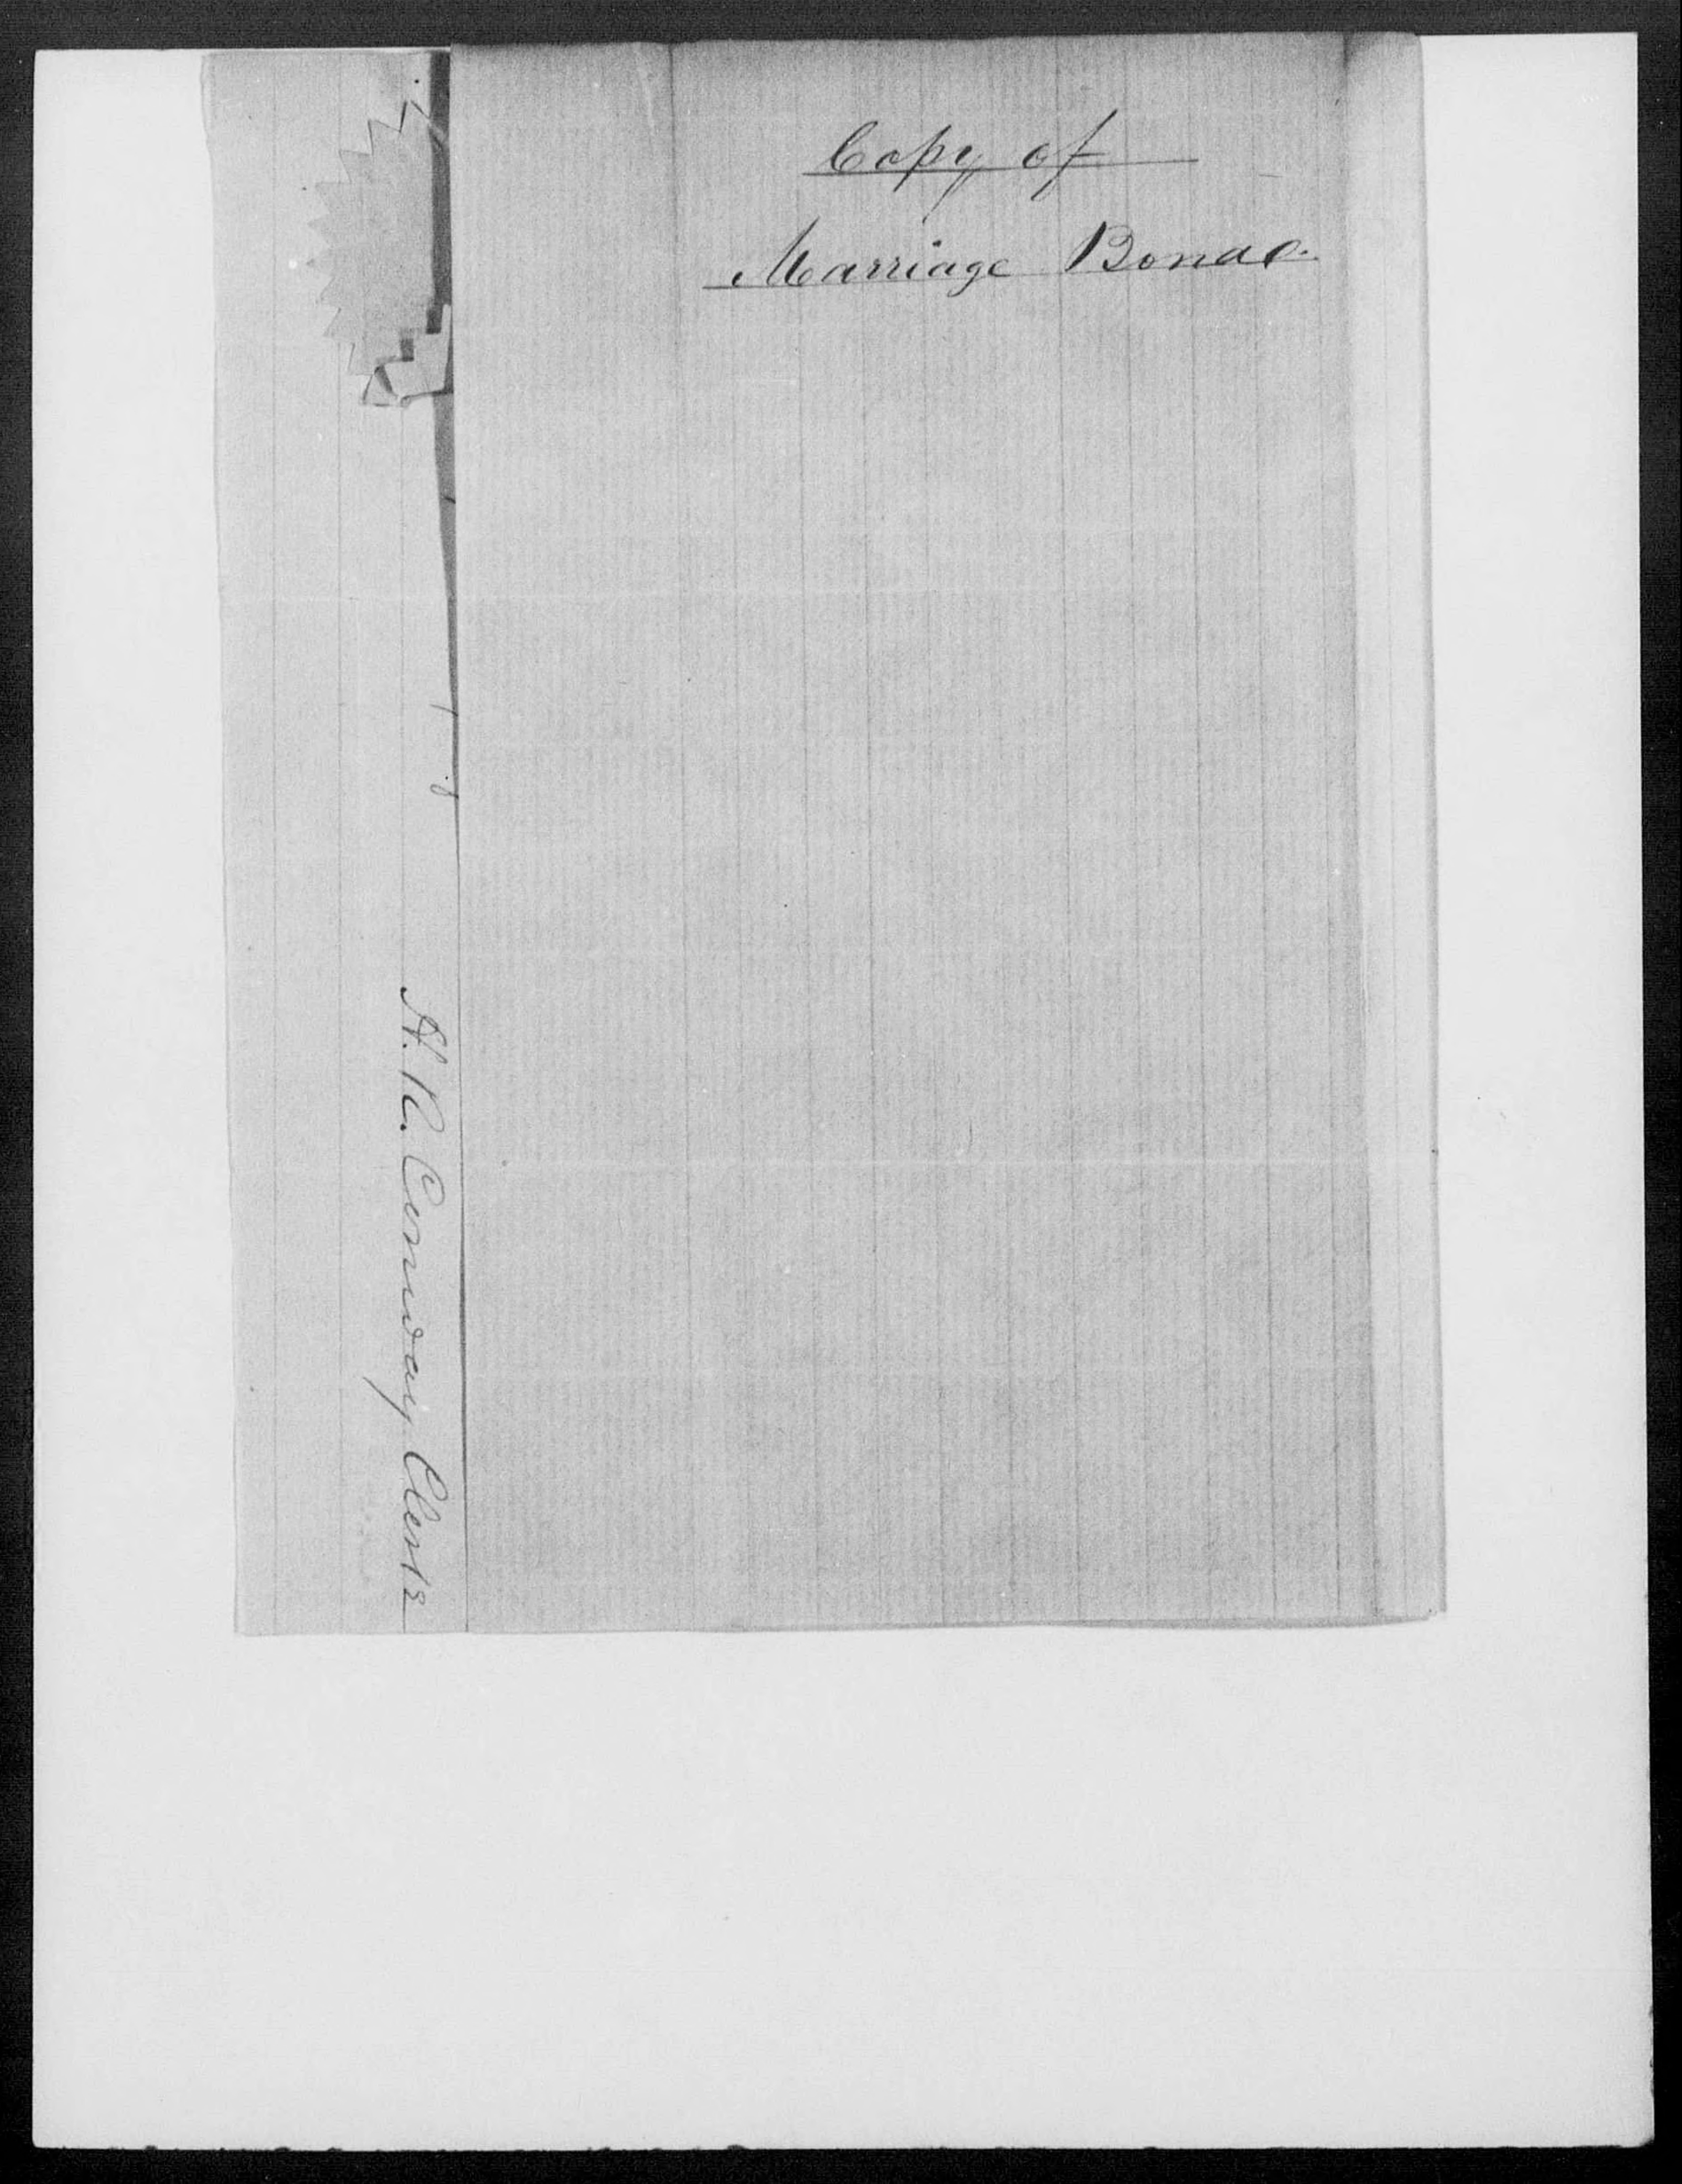Copy of Marriage Bonds
H.R. Conway Cless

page: 7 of 22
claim: rejected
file: R 1709, Joshua Carnes, Va.